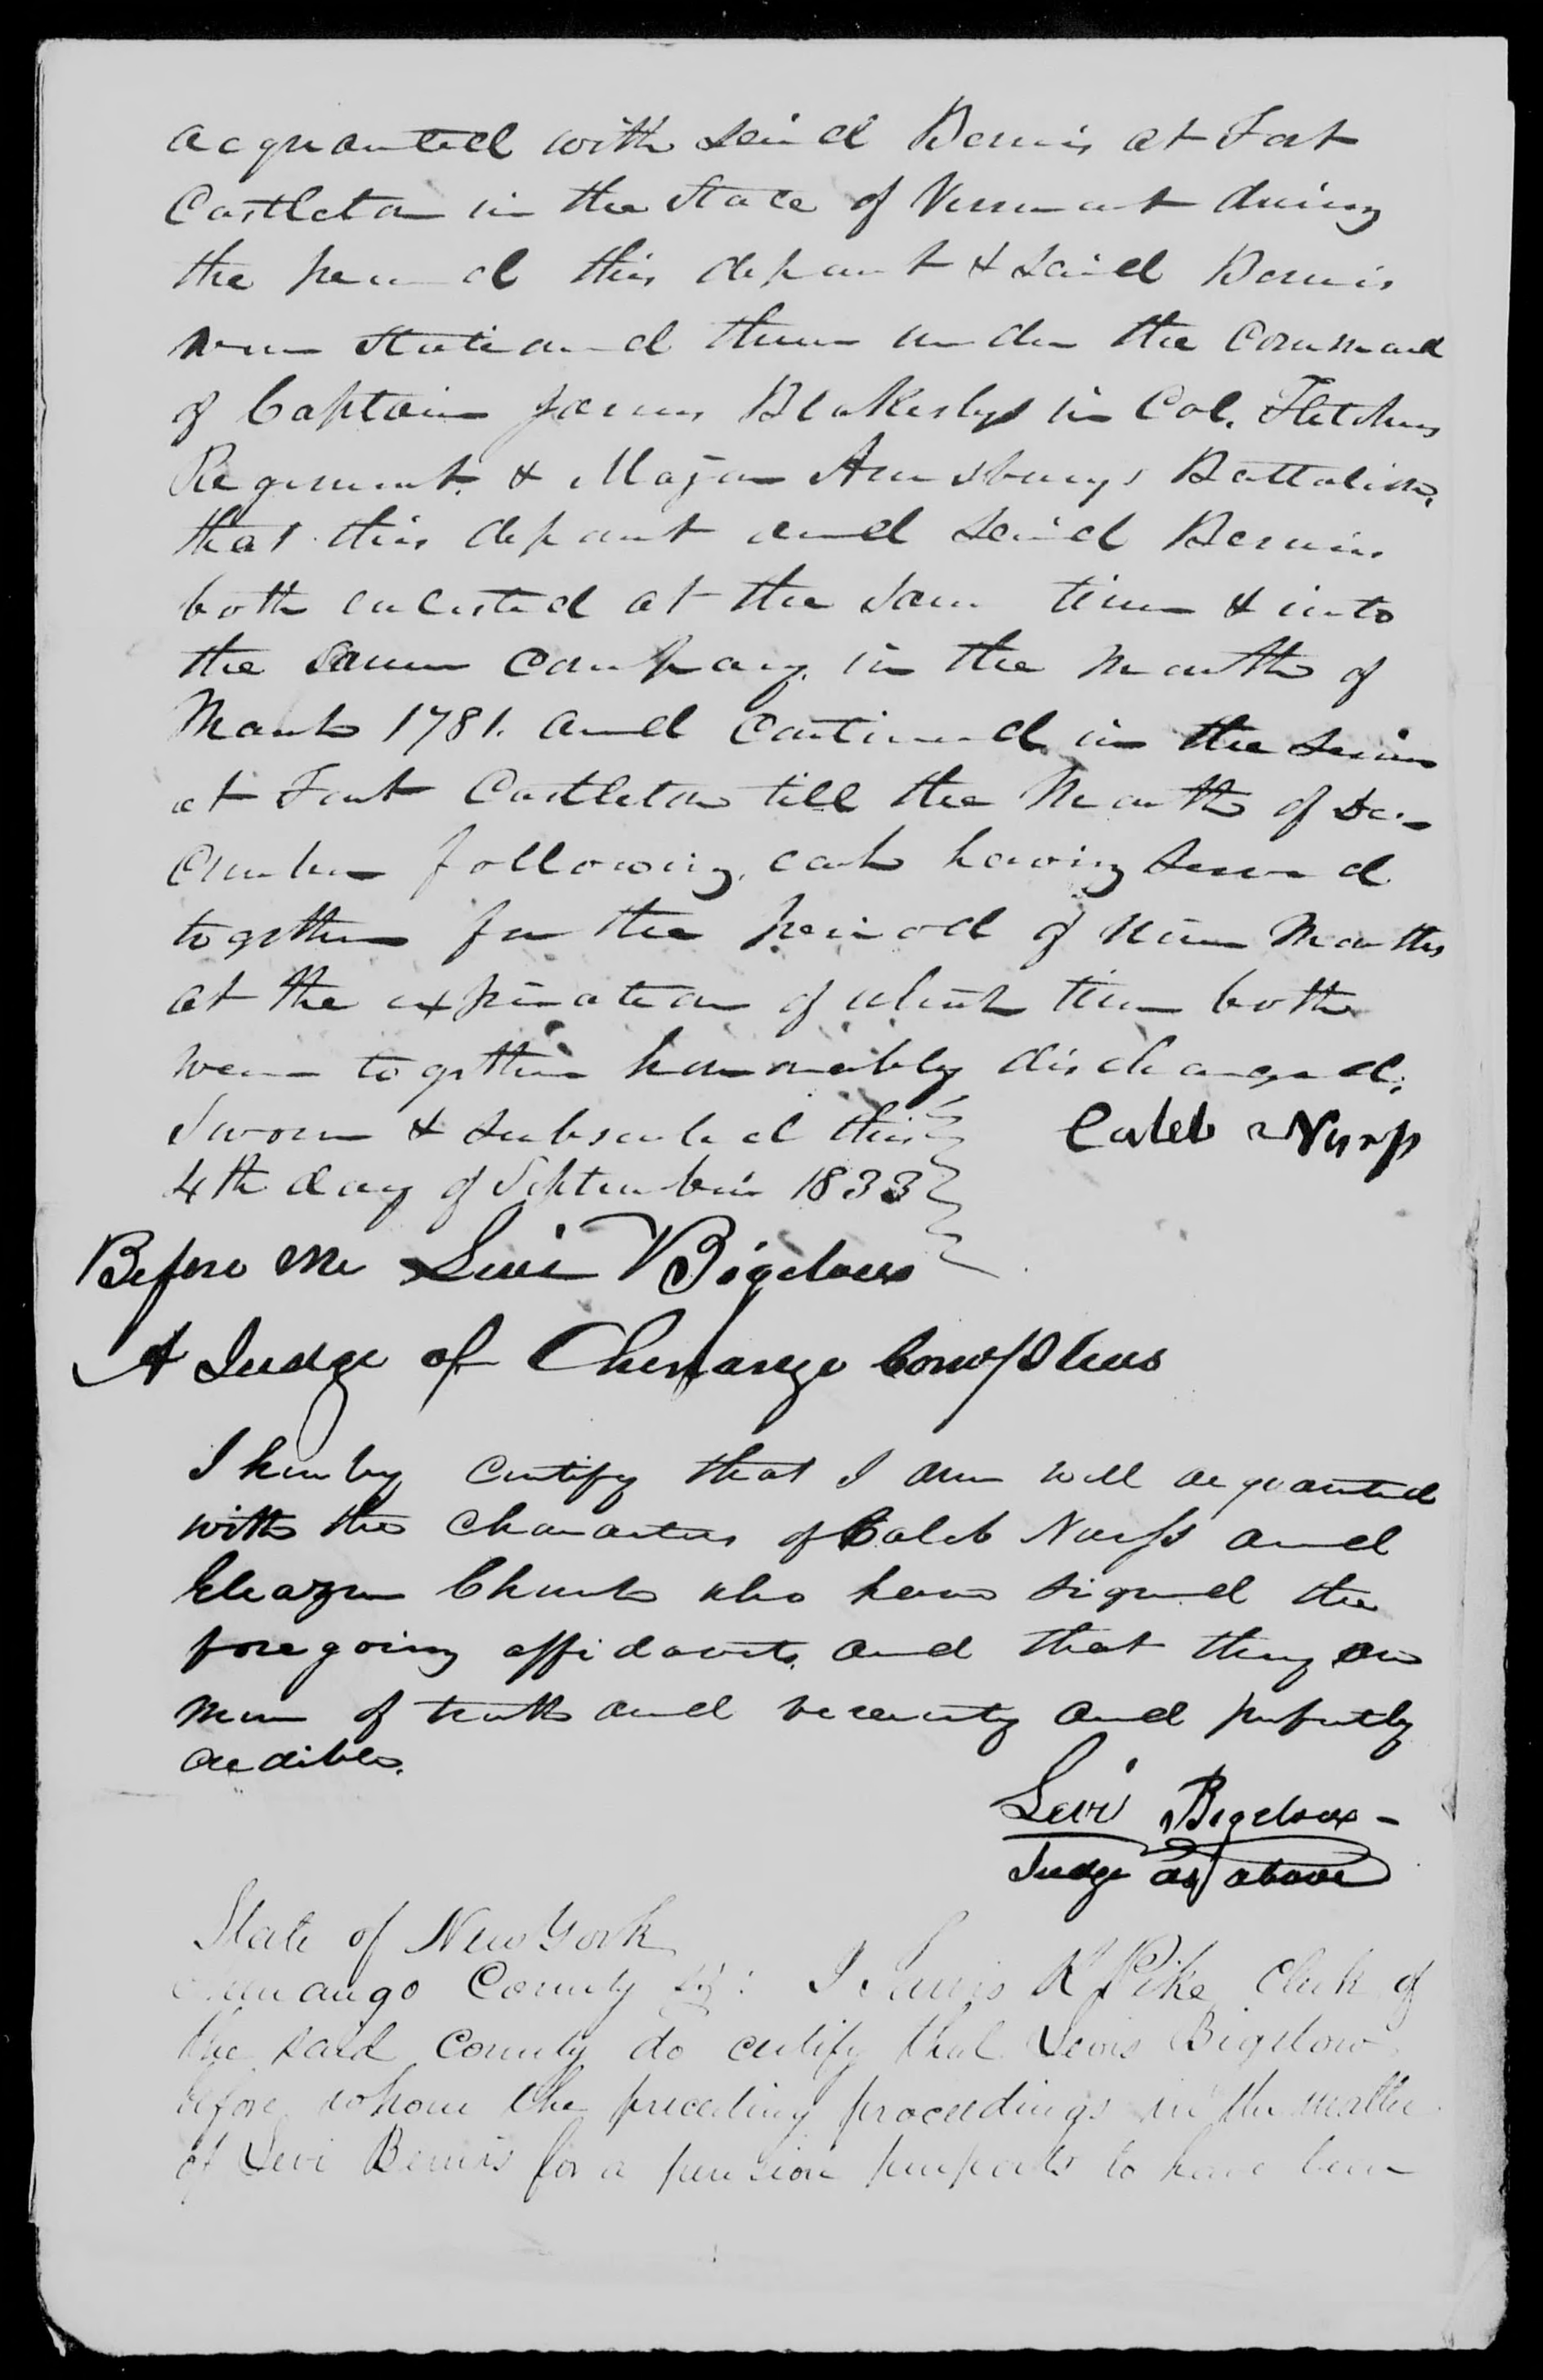acquainted with said Bemis at Fort Castleton in the State of Vermont during the period this deponent & said Bemis were stationed there  under the command of Captain James Blakesley in Col. Fletchers Regiment & Major Ainsbury's Battalion, that this deponent and said Bemis both enlisted at the same time & into the same company in the month of March 1781. and continued in the services at Fort Castleton till the Month of December following each having served together for the period of Nine Months at the expiration of which time - both went together honorably discharged. 
/s/Caleb Nurss
Sworn & subscribed this 4th day of September 1833 } Before me /s/Levi Bigelow A Judge of Chenango Com'n Pleas
I hereby certify that I am well acquainted with the characters of Caleb Nurss and Eleazer Church who have signed the foregoing affidavits and that they are men of truth and veracity and perfectly credible
/s/Levi Bigelow Judge as above
State of New York 
Chenango County ss: I James K Pike Clerk of the said County do certify that Levi Bigelow before whom the preceding proceedings in the matter of Levi Bemis for a pension purports to have been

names: James Blakesly, Bemis, Levi Bigelow, Bemis, Eleazer Church, Levi Bigelow, Caleb Nurss, Lewis K Pike, Bemis, Levis Bigelow, Levi Bemis, Caleb Nurss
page: 10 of 14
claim: survivor's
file: S. 32116, Levi Bemis, Vt.